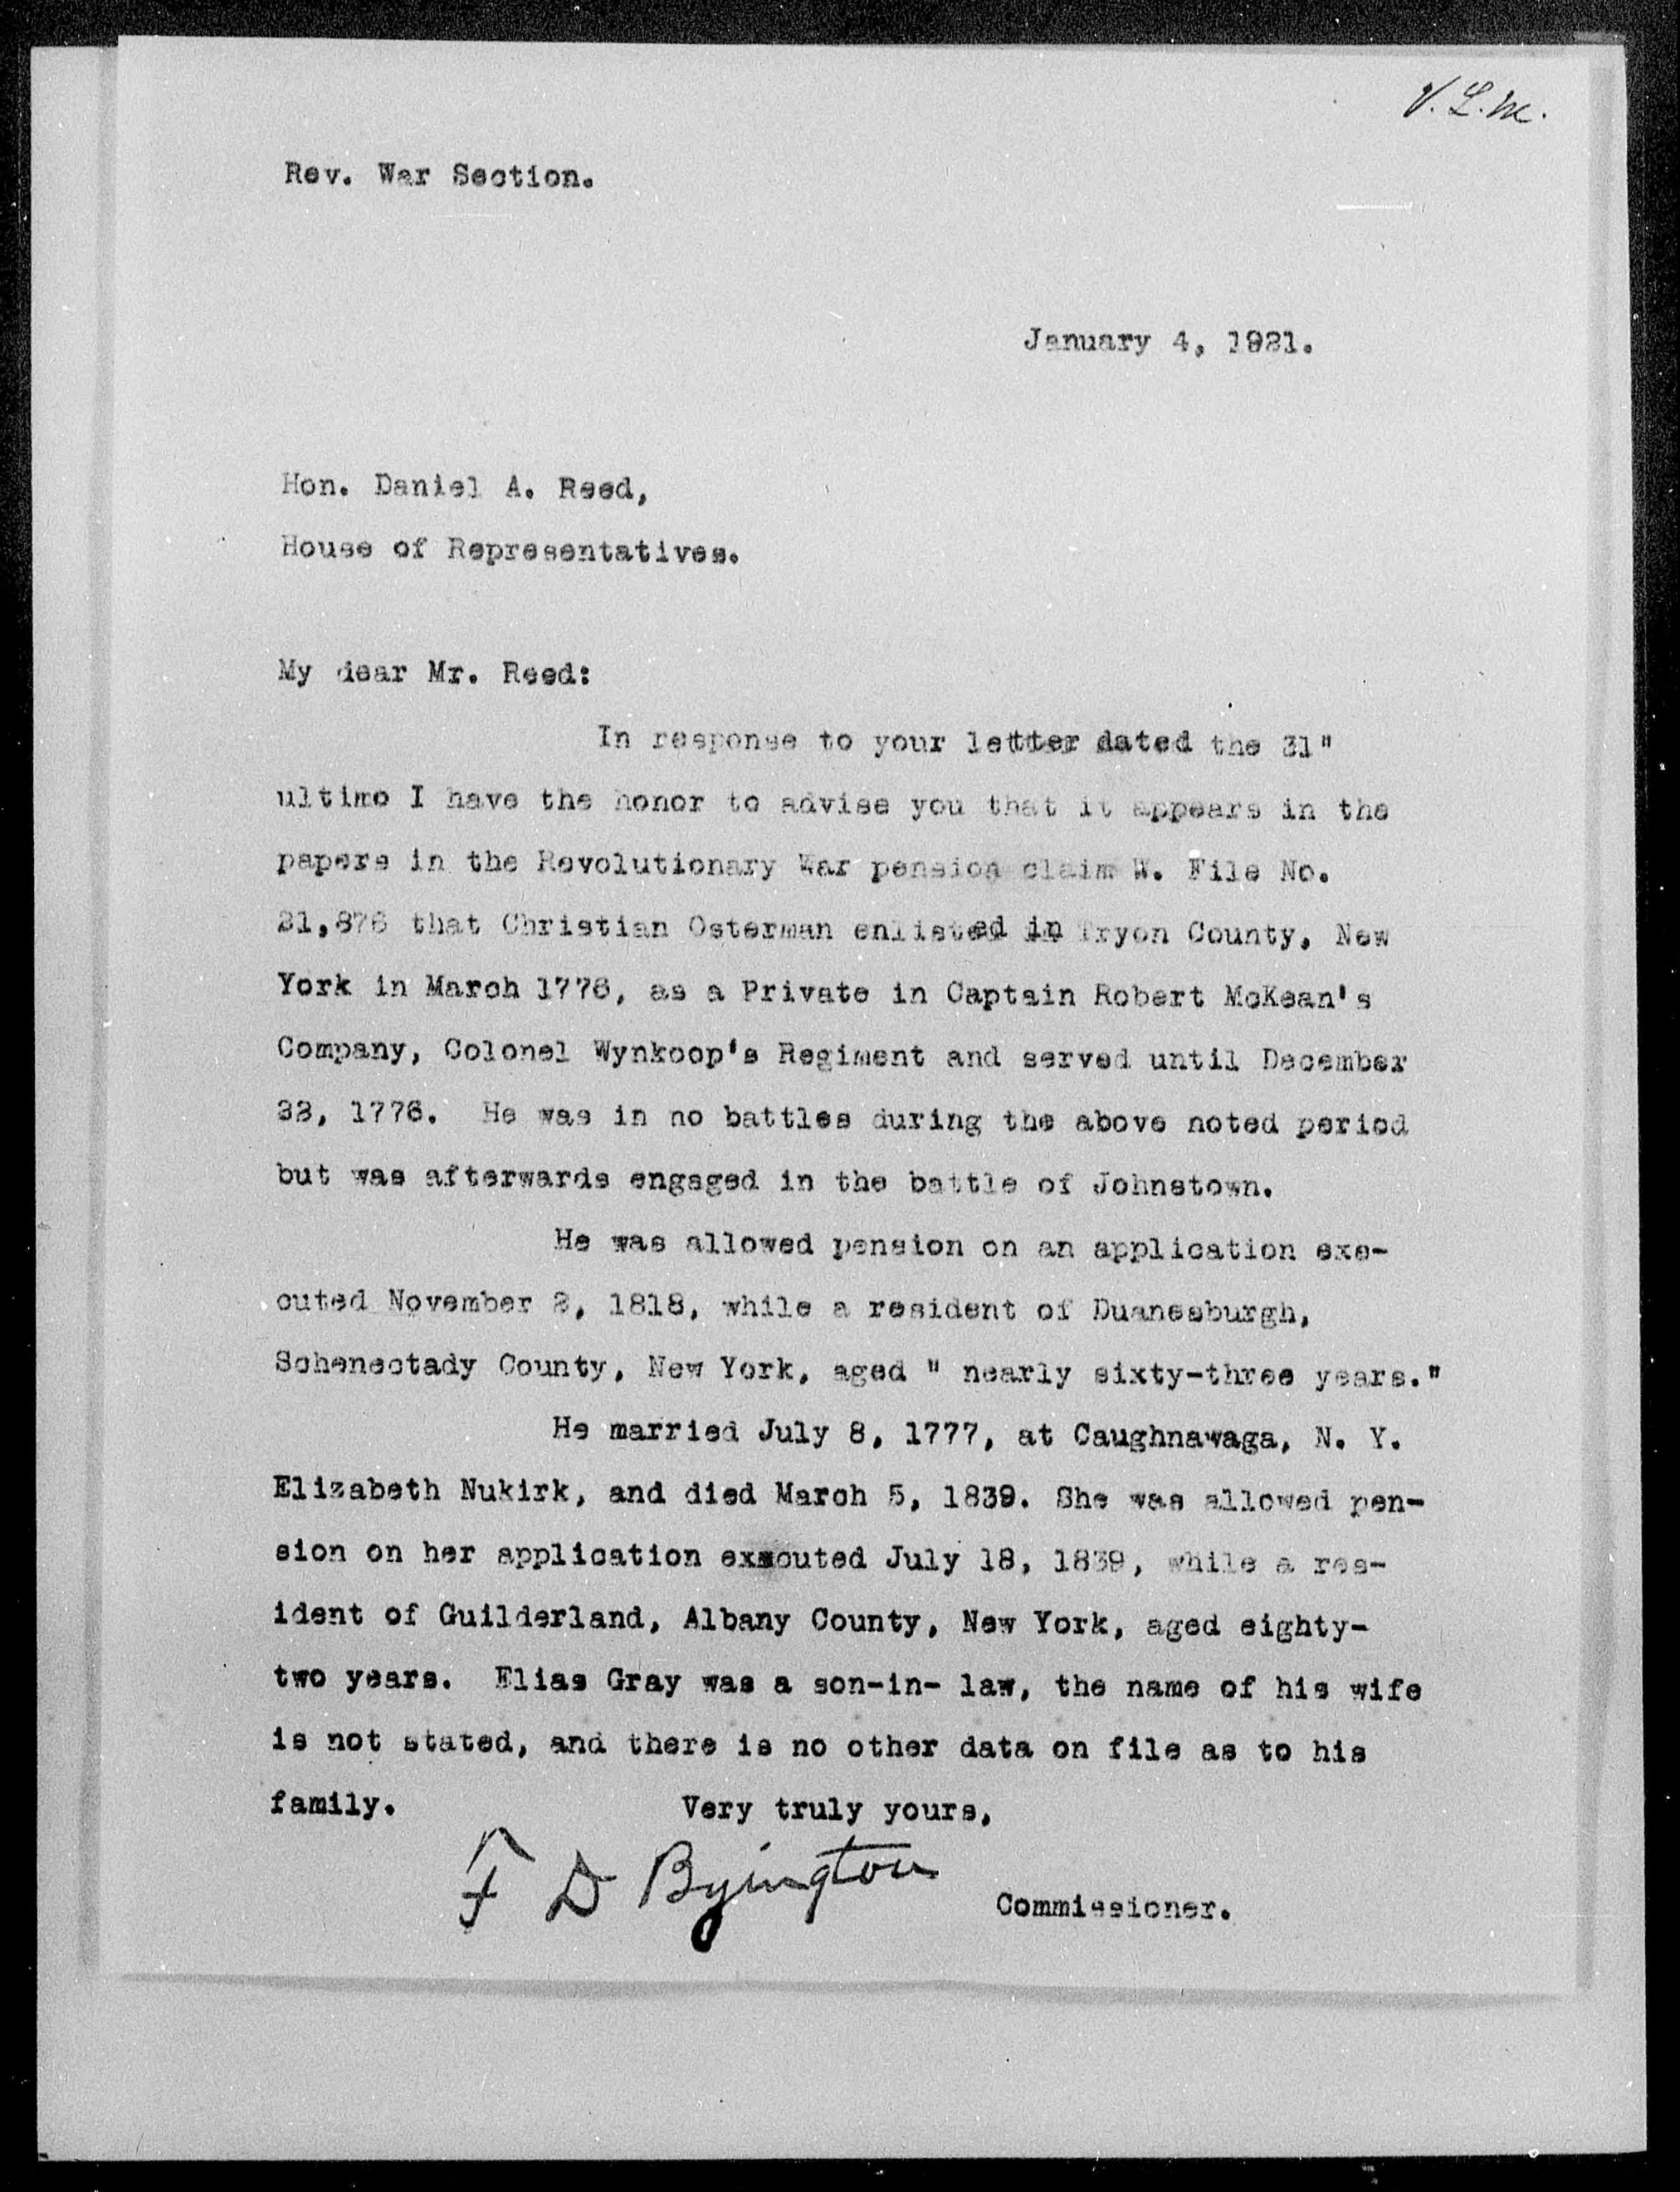V.L.W. 

Rev. War Section. 

January 4, 1921. 

Hon. Daniel A. Reed, 
House of Representatives. 

My dear Mr. Reed:
In response to your letter dated the 31st ultimo I have the honor to advise you that it appears in the papers in the Revolutionary War pension claim W. File No. 31.876 that Christian Osterman enlisted in Tryon County, New York in March 1778, as a Private in Captain Robert McKean's Company, Colonel Wynkoop's Regiment and served until December 22, 1778. He was in no battles during the above noted period but was afterwards engaged in the battle of Johnstown. 
He was allowed pension on an application executed November 2, 1818, while a resident of Duanesburgh, Schenectady County, New York, aged "nearly sixty-three years."
He married July 8,1777, at Caughnawaga, N.Y. Elizabeth Nukirk, and died March 5, 1839. She was allowed pension on her application executed July 18, 1839, while a resident of Guilderland, Albany County, New York, aged eighty-two years. Elias Gray was a son-in-law, the name of his wife is not stated, and there is no other data on file as to his family. 
Very truly yours, 
F.D. Byington Commissioner.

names: Elias Gray; F D Byington; Daniel A Reed; Christian Osterman; Elizabeth Nukirk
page: 11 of 40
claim: widow's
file: W. 21876, for Christian Osterman, New York